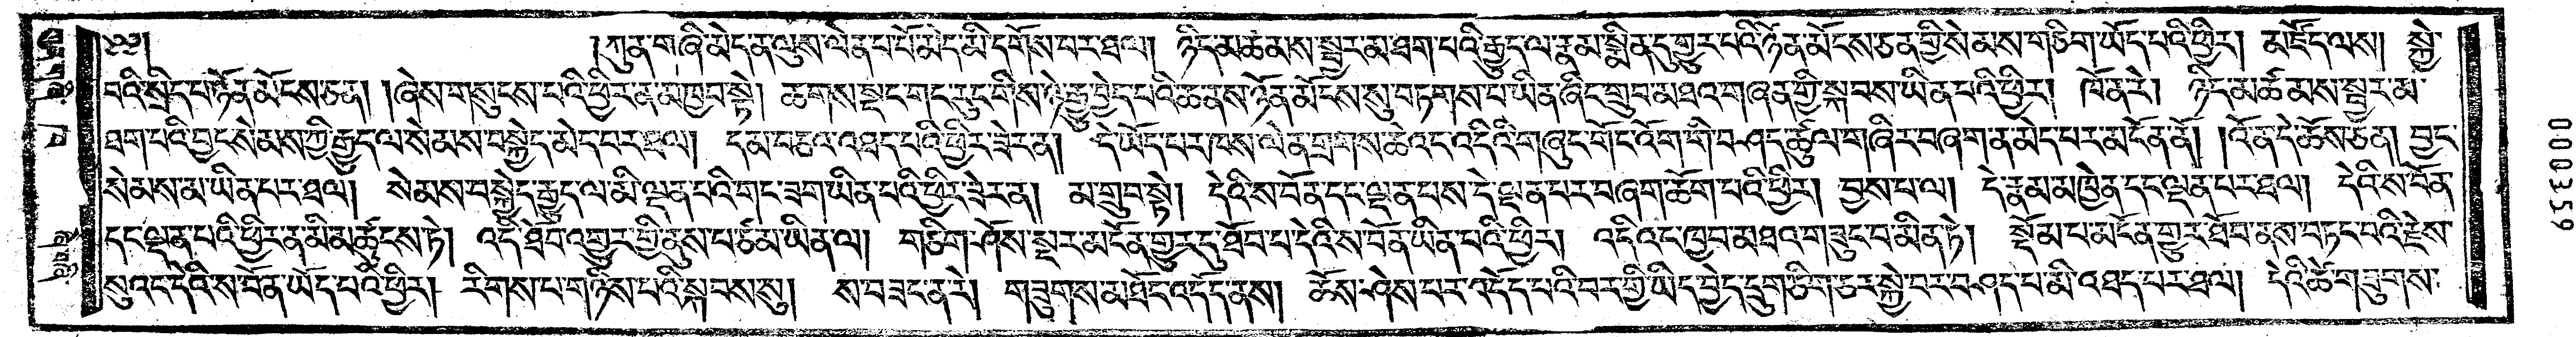༄༅། །ཀུན་གཞི་མེད་ན་ལུས་ལེན་པ་པོ་མེད་མི་དགོས་པར་ཐལ། ཉིད་མཚམས་སྦྱར་མ་ཐག་པའི་རྒྱུད་ལ་རྣམ་སྨིན་དུ་གྱུར་པའི་ཉོན་མོངས་ཅན་གྱི་སེམས་གཅིག་ཡོད་པའི་ཕྱིར། མཛོད་ལས། སྦྱོར?
བའི་སྲིད་བ་ཉོན་མོངས་ཅན། །ཞེས་གསུངས་པའི་ཕྱིར་ན་མ་ཁྱབ་སྟེ། ཆགས་སྡང་གང་རུང་གིས་ཉེ་རྒྱུ་བྱེད་པའི་ཆ་ནས་ཉོན་མོངས་སུ་བཏགས་པ་ཡིན་ཞིང་གྲུབ་མཐའ་གཞན་གྱི་སྐབས་ཡིན་པའི་ཕྱིར། ཁོ་ན་རེ། ཉིད་མཚམས་སྦྱང་མ?
ཐག་པའི་བྱང་སེམས་ཀྱི་རྒྱུད་ལ་སེམས་བསྐྱེད་མེད་པར་ཐལ། དམ་བཅའ་འཐད་པའི་ཕྱིར་ཟེར་ན། དེ་ཡོད་པར་ཁས་ལེན་གྲགས་ཆེའང་འདིའི་གཞུང་གོང་འོག་གི་བཤད་ཚུལ་གཞིར་བཞག་ན་མེད་པར་མངོན་ནོ། །འོ་ན་དེ་ཆོས་ཅན། བྱང་
སེམས་མ་ཡིན་པར་ཐལ། སེམས་བསྐྱེད་རྒྱུད་ལ་མི་ལྡན་པའི་གང་ཟག་ཡིན་པའི་ཕྱིར་ཟེར་ན། མ་གྲུབ་སྟེ། དོའི་ས་བོན་དང་ལྡན་པས་དེ་ལྡན་པར་བཞག་ཆོག་པའི་ཕྱིར། བྱས་པ་ལ། དེ་རྣམ་མཁྱེན་དང་ལྡན་པར་ཐལ། དེའི་ས་བོན་
དང་ལྡན་པའི་ཕྱིར་ན་མི་མཚུངས་ཏེ། འདི་ཐོབ་འགྱུར་གྱི་ནུས་པ་ཙམ་ཡིན་ལ། གཅིག་ཤོས་སྔར་མངོན་གྱུར་དུ་ཐོབ་པ་དེའི་ས་བོན་ཡིན་པའི་ཕྱིར། འདིའང་ཁྱབ་མཐའ་གཟུང་བ་མིན་ཏེ། སྡོམ་པ་མངོན་གྱུར་ཐོབ་ནས་བཏང་བའི་རྗེས་
སུའང་དེའི་ས་བོན་ཡོད་པའི་ཕྱིར། རིགས་པ་གཉིས་པའི་སྐབས་སུ། ས་བཟང་ན་རེ། གཟུགས་མཐོང་འདོད་ནས། ཆོས་ཤེས་པར་འདོད་པའི་བར་གྱི་ཡིད་བྱེད་དྲུག་ཅིག་ཅར་སྐྱེ་བར་བཤད་པ་མི་འཐད་པར་ཐལ། དེའི་ཚེ་གཟུགས་